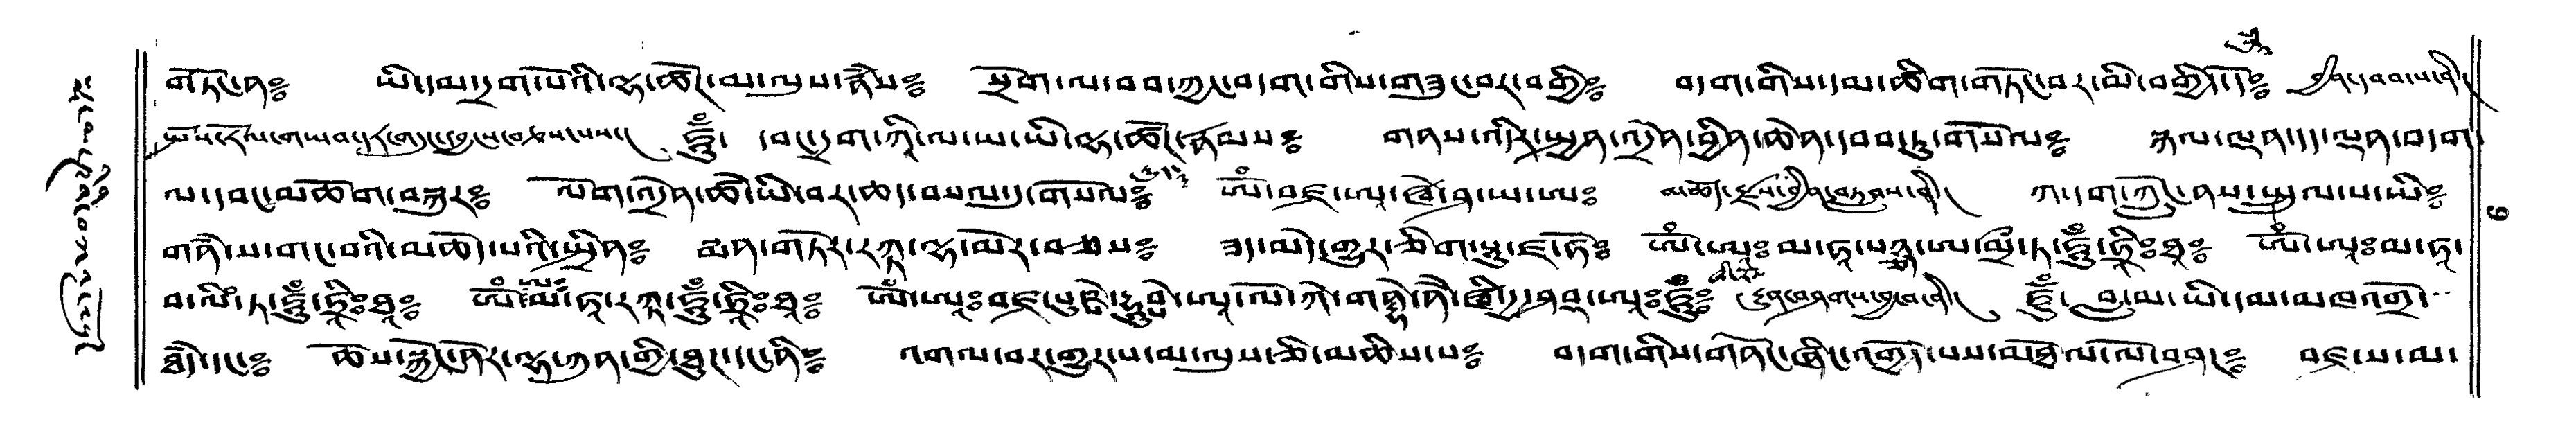གཏོང་ན༔ ཡི་དམ་དྲག་པོའི་ལྷ་ཚོགས་མ་ལུས་རྣམས༔ སྲོག་ལ་བབ་ཀྱང་བདག་གིས་གཟུང་བར་བགྱི༔ བདག་གིས་དམ་ཚིག་གཏོང་བར་མི་བགྱིད་དོ༔ བྱིན་དབབ་པ་ནི། 
སྤོས་རོལ་གཡབ་དར་གདུང་དབྱངས་བཅས་པས། ཧཱུྃ༔ དབང་དྲག་ཀཱི་ལ་ཡ་ཡི་ལྷ་ཚོགས་རྣམས༔ གནས་འདིར་སྤྱན་འདྲེན་བྱིན་ཆེན་དབབ་ཏུ་གསོལ༔ སྐལ་ལྡན་དད་ལྡན་བདག་
ལ་དབང་མཆོག་བསྐུར༔ ལོག་འདྲེན་ཚེ་ཡི་བར་ཆད་བསལ་དུ་གསོལ༔ ཨོཾ་བཛྲ་ཨཱ་ཝེ་ཤ་ཡ་ཨ༔ མཆོད་རྫས་བྱིན་རླབས་ནི། ཀ་དག་ཀློང་ནས་སྤྲུལ་པ་ཡི༔ 
གནམ་ས་གང་བའི་མཆོད་པའི་སྤྲིན༔ སྨན་གཏོར་རཀྟ་ལྷ་མོར་བཅས༔ ཟད་མེད་གྱུར་ཅིག་པཱུུ་ཛ་ཧོ༔ ཨོཾ་ཨཱཿམ་ཧཱ་པཉྩ་ཨ་མྲྀ་ཏ་ཧཱུྃ་ཧྲཱི༔ཐཱཿ ཨོཾ་ཨཱཿམ་ཧཱ་
བ་ལིཾ་ཏ་ཧཱུྃ་ཧྲཱི༔ཐཱ༔ ཨོཾ་ཨཱཿམ་ཧཱ་རཀྵ་ཧུྃ་ཧྲཱི༔ཐཱ༔ ཨོཾ་ཨཱཿབཛྲ་པུཥྤེ་དྷཱུ་པེཨ་ལོ་ཀེ་གནྡྷེ་ནཻ་ཝི་ངྱ་ཤབྡ་ཨཱཿཧཱུྃ༔ རྒྱུན་བཤགས་བྱ་བ་ནི། ཧཱུྃ༔ བླ་མ་ཡི་དམ་མཁའ་འགྲོ་
ཐམས་ཅད་དང༔ ཆོས་སྐྱོང་ནོར་ལྷ་ཀུན་གྱི་ཐུགས་དང་ནི༔ འགལ་བར་གྱུར་པ་མ་ལུས་ཅི་མཆིས་པ༔ བདག་གིས་གནོང་ཞིང་འགྱོད་པས་མཐོལ་ལོ་བཤགས༔བཛྲ་ས་མ་